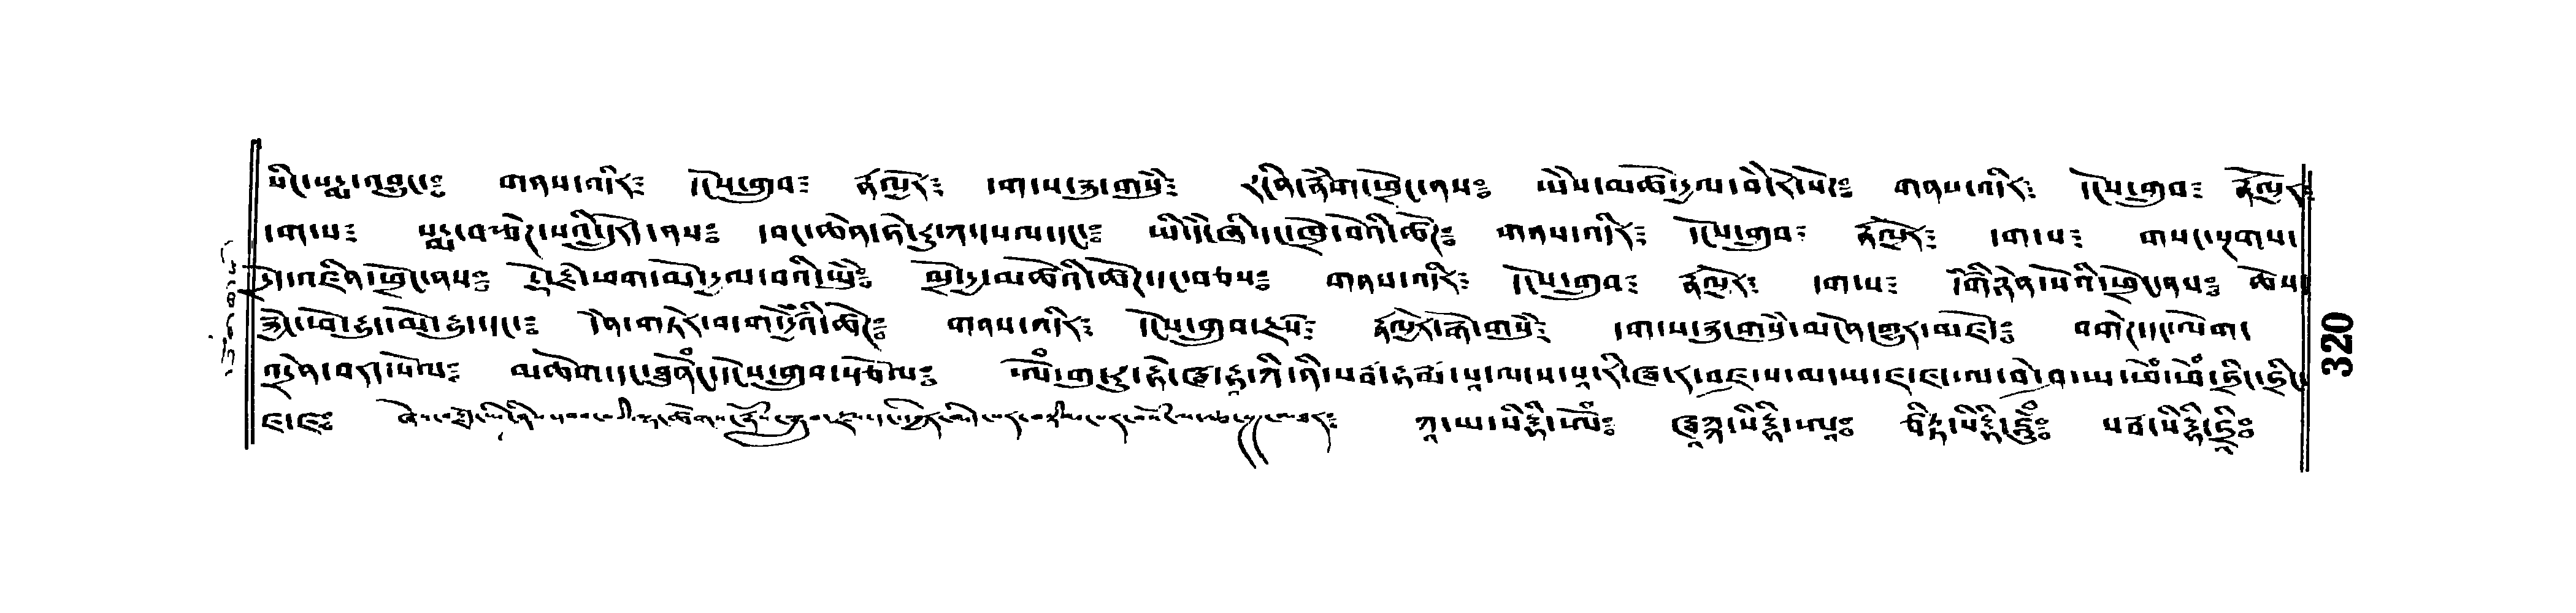སེང་པདྨ་འབྱུང༔ གནས་འདིར༴ དངོས་གྲུབ༴ རྣལ་འབྱོར༴ དག་པ་སྐུ་གསུམ༴ རང་བཞིན་རྣམ་དག་ཕོ་བྲང་ནས༔ ཡེ་ཤེས་མཚོ་རྒྱལ་བཻ་རོ་སོགས༔ གནས་འདིར༴ དངོས་གྲུབ༴ རྣལ་འབྱོར༴ 
དག་པ༴ པདྨ་བརྩེགས་པའི་དུར་ཁྲོད་ནས༔ དབང་ཆེན་ཧེ་རུ་ཀ་དཔལ་དང༔ ཡི་དམ་ཞི་དང་ཁྲོ་བོའི་ཚོགས༔ གནས་འདིར༴ དངོས་གྲུབ༴ རྣལ་འབྱོར༴ དག་པ༴ གསང་སྔགས་
དྲོད་འཛིན་ཕོ་བྲང་ནས༔ རྡོ་རྗེ་ཕག་མོ་རྒྱལ་བའི་ཡུམ༔ མཁའ་འགྲོ་རྒྱ་མཚོའི་ཚོགས་དང་བཅས༔ གནས་འདིར༴ དངོས་གྲུབ༴ རྣལ་འབྱོར༴ དག་པ༴ དམ་ཚིག་གཉེན་པོའི་ཕོ་བྲང་ནས༔ ཆོས་
སྐྱོང་ཕོ་རྒྱུད་མོ་རྒྱུད་དང༔ དམ་ཅན་གཏེར་བདག་རྒྱ་མཚོའི་ཚོགས༔ གནས་འདིར༴ དངོས་གྲུབ་རྫས༴ རྣལ་འབྱོར་སྒོ་གསུམ༴ དག་པ་སྐུ་གསུམ་མངོན་གྱུར་མཛོད༔བགེགས་དང་ལོག་
འདྲེན་བར་ཆད་སོལ༔ མཆོག་དང་ཐུན་མོང་དངོས་གྲུབ་སྩོལ༔ ཨོཾ་གུ་རུ་དྷེ་ཝ་དྷཱ་ཀི་ནི་སརྦ་དྷརྨ་པཱ་ལ་ས་པཱ་རི་ཝ་ར་བཛྲ་ས་མ་ཡ་ཛ་ཛ་ཨ་བེ་ཤ་ཡ་ཕེཾ་ཕེཾ་ཧྲིང་ཧྲིང་
ཛ་ཛ༔ ཞེས་བརྗོད་ཡེ་ཤེས་དབབ་པའི་ལྷ་ཚོགས་རྣམས་སྒྲུབ་རྫས་དང་དབྱེར་མེད་པར་བསྟིམ་པར་བསམ་ལ་རྩ་སྔགས་མཐར༔ ཀཱ་ཡ་སིདྡྷི་ཨོཾ༔ ཝཱཀྐ་སིདྡྷི་ཨཱཿ ཙིཏྟ་སིདྡྷི་ཧཱུྃ༔ སརྦ་སིདྡྷི་ཧྲཱིཿ